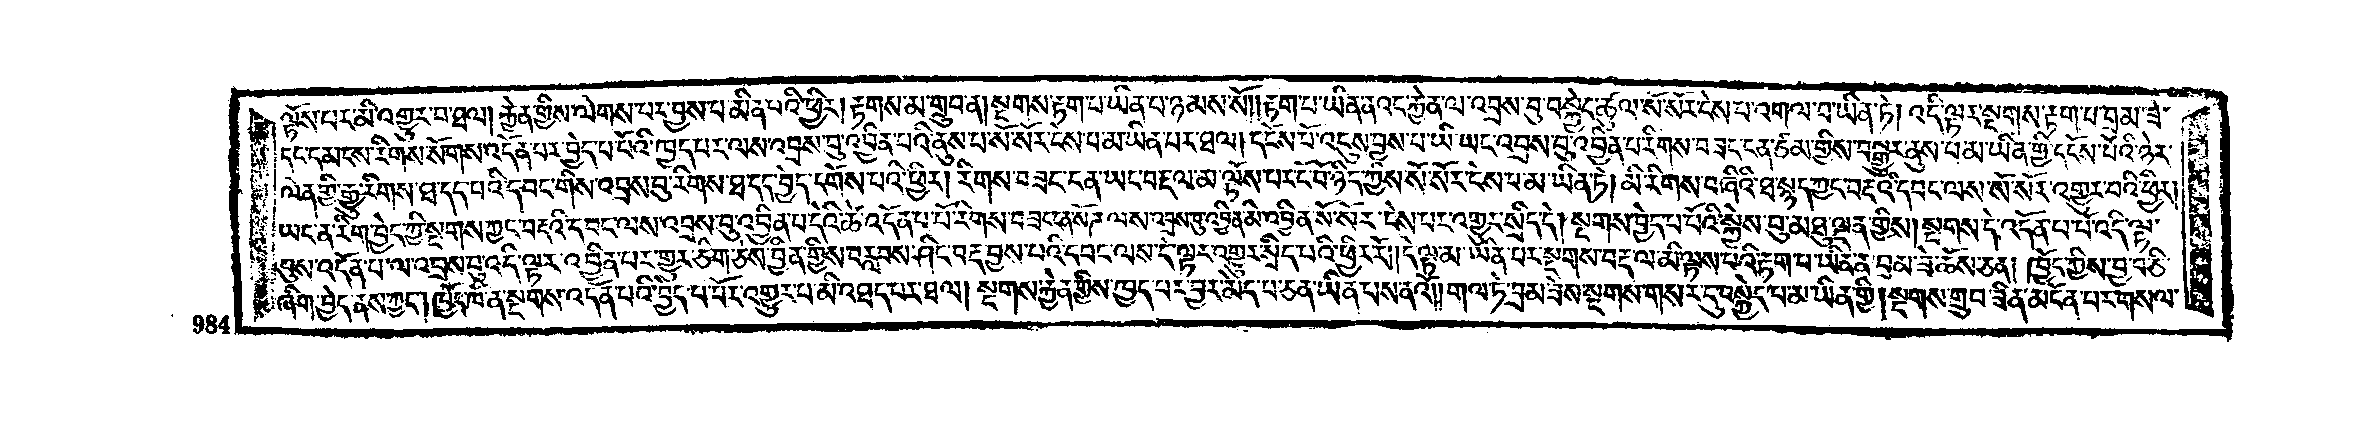ལྟོས་པར་མི་འགྱུར་བ་ཐལ། རྐྱེན་གྱིས་ལེགས་པར་བྱས་པ་མིན་པའི་ཕྱིར། རྟགས་མ་གྲུབ་ན། སྔགས་རྟག་པ་ཡིན་པ་ཉམས་སོ། །རྟག་པ་ཡིན་ནའང་རྐྱེན་ལ་འབྲས་བུ་བསྐྱེད་ཚུལ་སོ་སོར་ངེས་པ་འགལ་བ་ཡིན་ཏེ། འདི་ལྟར་སྔགས་རྟག་པ་བྲམ་ཟེ་
དང་དམངས་རིགས་སོགས་འདོན་པར་བྱེད་པ་པོའི་ཁྱད་པར་ལས་འབྲས་བུ་འབྱིན་པའི་ནུས་པ་སོ་སོར་ངེས་པ་མ་ཡིན་པར་ཐལ། དངོས་པོ་འདུས་བྱས་པ་ཡི་ཡང་འབྲས་བུ་འབྱིན་པ་རིགས་བཟང་ངན་ཙམ་གྱིས་བསྒྱུར་ནུས་པ་མ་ཡིན་གྱི་དངོས་པོའི་ཉེར་
ལེན་གྱི་རྒྱུ་རིགས་ཐ་དད་པའི་དབང་གིས་འབྲས་བུ་རིགས་ཐ་དད་བྱེད་དགོས་པའི་ཕྱིར། རིགས་བཟང་ངན་ཡང་བརྡ་ལ་མ་ལྟོས་པར་ངོ་བོ་ཉིད་ཀྱིས་སོ་སོར་ངེས་པ་མ་ཡིན་ཏེ། མི་རིགས་བཞིའི་ཐ་སྙད་ཀྱང་བརྡའི་དབང་ལས་སོ་སོར་འགྱུར་བའི་ཕྱིར།
ཡང་ན་རིག་བྱེད་ཀྱི་སྔགས་ཀྱང་བརྡའི་དབང་ལས་འབྲས་བུ་འབྱིན་པ་དེའི་ཚེ་འདོན་པ་པོ་རིགས་བཟང་ངན་སོགས་ལས་འབྲས་བུ་འབྱིན་མི་འབྱིན་སོ་སོར་ངེས་པར་འགྱུར་སྲིད་དེ། སྔགས་བྱེད་པ་པོའི་སྐྱེས་བུ་མཐུ་ལྡན་གྱིས། སྔགས་དེ་འདོན་པ་པོ་འདི་ལྟ་
བུས་འདོན་པ་ལ་འབྲས་བུ་འདི་ལྟར་འབྱིན་པར་གྱུར་ཅིག་ཅེས་བྱིན་གྱིས་བརླབས་ཤིང་བརྡ་བྱས་པའི་དབང་ལས་དེ་ལྟར་འགྱུར་སྲིད་པའི་ཕྱིར་རོ། །དེ་ལྟ་མ་ཡིན་པར་སྔགས་བརྡ་ལ་མི་ལྟས་པའི་རྟག་པ་ཡིན་ན་བྲམ་ཟེ་ཆོས་ཅན། ཁྱོད་ཀྱིས་བྱ་བ་ཅི་
ཞིག་བྱེད་ནས་ཀྱང་། ཁྱོད་ཁོ་ན་སྔགས་འདོན་པའི་བྱེད་པ་པོར་འགྱུར་བ་མི་འཐད་པར་ཐལ། སྔགས་རྐྱེན་གྱིས་ཁྱད་པར་བྱར་མེད་པ་ཅན་ཡིན་པས་ནའོ། །གལ་ཏེ་བྲམ་ཟེས་སྔགས་གསར་དུ་བསྐྱེད་པ་མ་ཡིན་གྱི་།སྔགས་གྲུབ་ཟིན་མངོན་པར་གསལ་